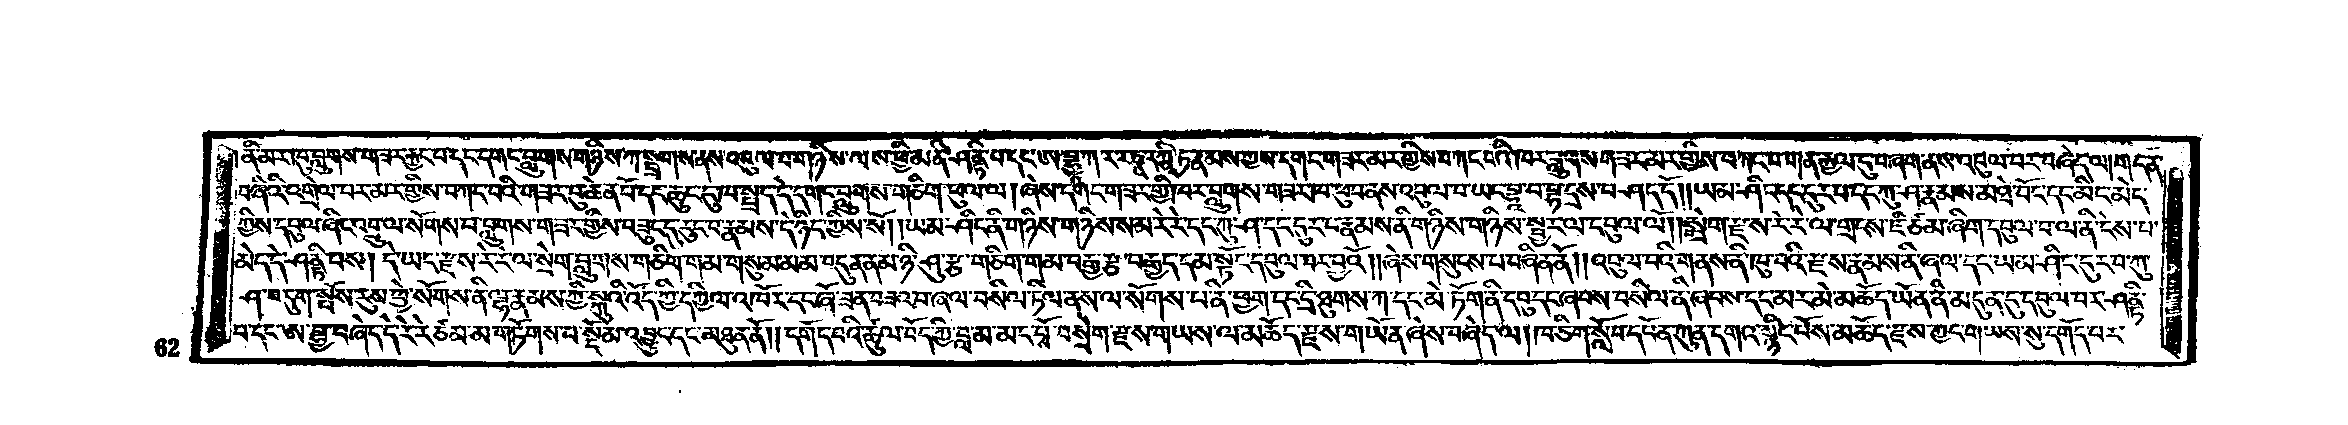ནི་མར་ཁུ་བླུགས་གཟར་རྐྱང་པ་དང་དགང་བླུགས་གཉིས་ཀ་སྦྲགས་ནས་འབུལ་བ་གཉིས་ལས་ཕྱི་མ་ནི་ཤནྟི་པ་དང་ཨ་བྷྱ་ཀ་ར་ར་ཏྣ་རཀྵི་ཏ་རྣམས་ཀྱིས་དགང་གཟར་མར་གྱིས་བཀང་བའི་ཁར་བླུགས་གཟར་མར་གྱིས་བཀང་བ་གན་རྐྱལ་དུ་བཞག་ནས་འབུལ་བར་བཞེད་ལ། གདོན་
བཞིའི་འགྲེལ་པར་མར་གྱིས་བཀང་བའི་གཟར་བུ་ཆེན་པོ་དང་ཆུང་དུ་ཁ་སྤྲད་དེ་དགང་བླུགས་གཅིག་ཕུལ་ལ། ཞེས་དགང་གཟར་གྱི་ཁར་བླུགས་གཟར་ཁ་ཕུབ་ནས་འབུལ་བ་ཡང་བྷཱ་བ་དྲས་བཤད་དོ། །ཡམ་ཤིང་དང་དུར་པ་དང་ཀུ་ཤ་རྣམས་མཐེ་བོང་དང་མིང་མེད་
ཀྱིས་དབུལ་ཞིང་འབྲུ་ལ་སོགས་པ་བླུགས་གཟར་གྱིས་བཟུང་དུ་རུང་བ་རྣམས་དེ་ཉིད་ཀྱིས་སོ། །ཡམ་ཤིང་ནི་གཉིས་གཉིས་སམ་རེ་རེ་དང་ཀུ་ཤ་དང་དུར་བ་རྣམས་ནི་གཉིས་གཉིས་སྦྱར་ལ་དབུལ་ལོ། །སྒྲེག་རྫས་རེ་རེ་ལ་གྲངས་ཇི་ཙམ་ཞིག་དབུལ་བ་ལ་ནི་ངེས་པ་
མེད་དེ་ཤནྟི་པས། དེ་ཡང་རྫས་རེ་རེ་ལ་སྲེག་བླུགས་གཅིག་གམ་གསུམ་མམ་བདུན་ནམ་ཉི་ཤུ་རྩ་གཅིག་གམ་བརྒྱ་རྩ་བརྒྱད་དམ་སྟོང་དབུལ་བར་བྱའོ། །ཞེས་གསུངས་པ་བཞིན་ནོ། །འབུལ་བའི་གནས་ནི་ཁུ་བའི་རྫས་རྣམས་ནི་ཞལ་དང་ཡམ་ཤིང་དུར་བ་ཀུ་
ཤ་བདུག་སྤོས་རུས་ཕྱེ་སོགས་ནི་ལྷ་རྣམས་ཀྱི་སྐུའི་འོད་ཀྱི་དཀྱིལ་འཁོར་དང་ཞོ་ཟན་བཟའ་བ་ཞལ་བསིལ་ཏིལ་ནས་ལ་སོགས་པ་ནི་ཕྱག་དང་དྲི་ཐུགས་ཀ་དང་མེ་ཏོག་ནི་དབུ་དང་ཞབས་བསིལ་ནི་ཞབས་དང་མར་མེ་མཆོད་ཡོན་ནི་མདུན་དུ་དབུལ་བར་ཤནྟི་
པ་དང་ཨ་བྷྱ་བཞེད་དེ་རེ་རེ་ཙམ་མ་གཏོགས་པ་སྡོམ་འབྱུང་དང་མཐུན་ནོ། །དགོད་པའི་ཚུལ་བོད་ཀྱི་བླ་མ་མང་པོས་བསྲེག་རྫས་གཡས་ལ་མཆོད་རྫས་གཡོན་ཞེས་བཞེད་ལ། ཁ་ཅིག་སློབ་དཔོན་ཀུན་དགའ་སྙིང་པོས་མཆོད་རྫས་ཀྱང་གཡས་སུ་དགོད་པར་